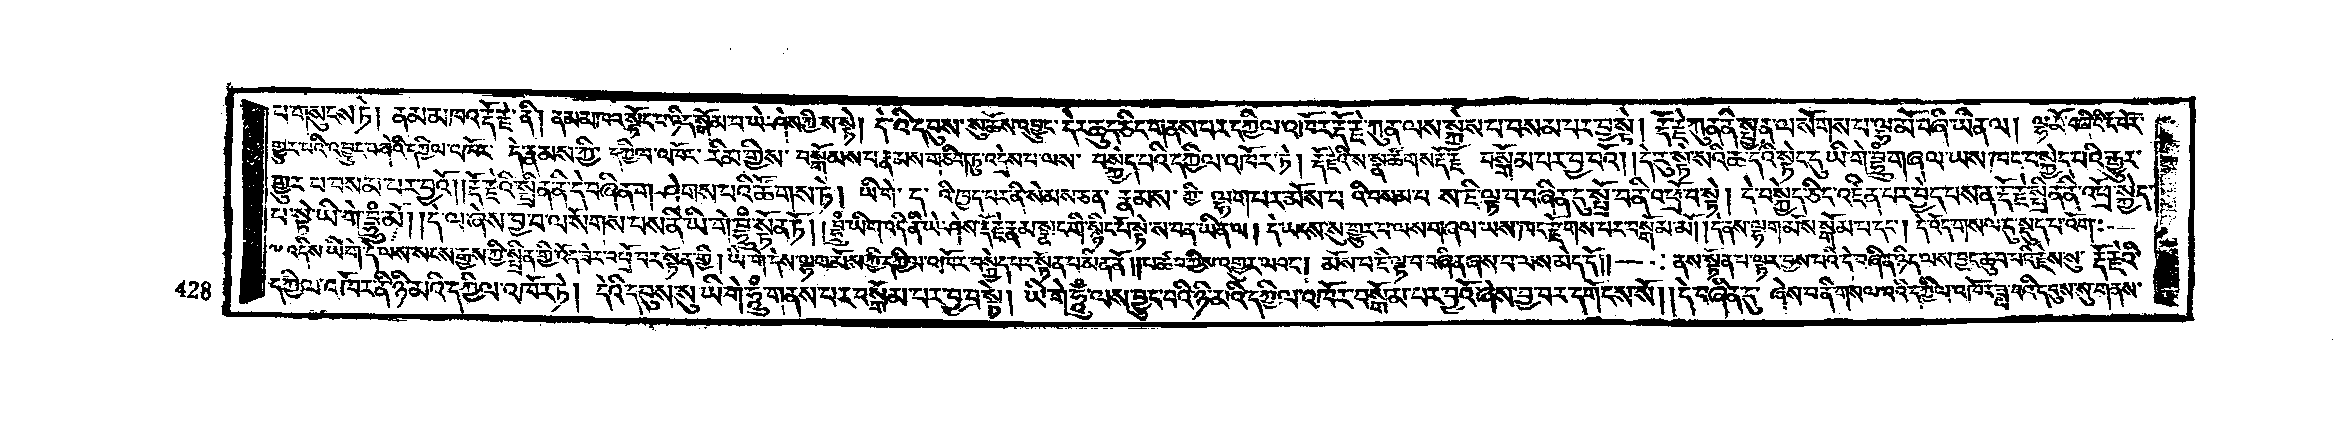པ་གསུངས་ཏེ། ནམ་མཁའ་རྡོ་རྗེ་ནི། ནམ་མཁའ་སྟོང་པ་ཉིད་སྒོམ་པ་ཡེ་ཤེས་ཀྱིས་སྟེ། དེའི་དབུས་སུ་ཆོས་འབྱུང་དེར་ཆུད་ཅིང་གནས་པར་དཀྱིལ་འཁོར་རྡོ་རྗེ་ཀུན་ལས་ཀྱེས་པ་བསམ་པར་བྱ་སྟེ། རྡོ་རྗེ་ཀུན་ནི་སྤྱན་ལ་སོགས་པ་ལྷ་མོ་བཞི་ཡིན་ལ། ལྷ་མོ་བཞིའི་ངོ་བོར་
གྱུར་པའི་འབྱུང་བཞིའི་དཀྱིལ་འཁོར་དེ་རྣམས་ཀྱི་དཀྱིལ་འཁོར་རིམ་གྱིས་བསྒོམས་པ་རྣམས་གཅིག་ཏུ་འདྲེས་པ་ལས་བསྐྱེད་པའི་དཀྱིལ་འཁོར་ཏེ། རྡོ་རྗེའི་ས་སྣ་ཚོགས་རྡོ་རྗེ་བསྒོམ་པར་བྱ་བའོ། །དེ་རུ་སྟེ་སའི་ཆ་དེའི་སྟེང་དུ་ཡི་གེ་བྷྲུཾ་གཞལ་ཡས་ཁང་བསྐྱེད་པའི་རྒྱུར་
གྱུར་པ་བསམ་པར་བྱའོ། །རྡོ་རྗེའི་སྤྲིན་ནི་དེ་བཞིན་གཤེགས་པའི་ཚོགས་ཏེ། ཡི་གེ་དའི་ཁྱད་པར་ནི་སེམས་ཅན་རྣམས་ཀྱི་ལྷག་པར་མོས་པའི་བསམ་པས་ཇི་ལྟ་བ་བཞིན་དུ་སྤྲོ་བ་ནི་འཕྲོ་བ་སྟེ། དེ་བསྐྱེད་ཅིང་འཛིན་པར་བྱེད་པས་ན་རྡོ་རྗེ་སྤྲིན་ནི་འཕྲོ་སྐྱེད་
པ་སྟེ་ཡི་གེ་བྷྲུཾ་མོ། །དེ་ལ་ཞེས་བྱ་བ་ལ་སོགས་པས་ནི་ཡི་གེ་བྷྲུཾ་སྟོན་ཏོ། །བྷྲུཾ་ཡིག་འདི་ནི་ཡེ་ཤེས་རྡོ་རྗེ་རྣམ་སྣང་གི་སྙིང་པོ་སྟེ་ས་བེན་?་ཡིན་ལ། དེ་ཡོངས་སུ་གྱུར་པ་ལས་གཞལ་ཡས་ཁང་རྫོགས་པར་བསྒོམ་མོ། །དེ་ནས་ལྷག་མོས་སྒོམ་པ་དང་། དེ་འོད་གསལ་དུ་སྡུད་པ་འོག་H.
༧འདིས་ཡི་གེ་དེ་ལས་སངས་རྒྱས་ཀྱི་སྤྲིན་གྱི་འོད་ཟེར་འཕྲོ་བར་སྟོན་གྱི། ཡི་གེ་དེས་ལྷག་མོས་ཀྱི་དཀྱིལ་འཁོར་བསྐྱེད་པར་སྟོན་པ་མིན་ནོ། །པ་ཚབ་ཀྱིས་འགྱུར་ལའང་། མོས་པ་ཇི་ལྟ་བ་བཞིན་ཞེས་པ་ལས་མེད་དོ།། .H ནས་སྟོན་པ་ལྟར་བྱས་པའི་དེ་བཞིན་ཉིད་ལས་བྱང་ཆུབ་པའི་རྗེས་སུ་རྡོ་རྗེའི་
དཀྱིལ་འཁོར་ནི་ཉི་མའི་དཀྱིལ་འཁོར་ཏེ། དེའི་དབུས་སུ་ཡི་གེ་ཧཱུཾ་གནས་པར་བསྒོམ་པར་བྱ་བ་སྟེ། ཡི་གེ་ཧཱུཾ་ལས་བྱུང་བའི་ཉི་མའི་དཀྱིལ་འཁོར་བསྒོམ་པར་བྱའོ་ཞེས་བྱ་བར་དགོངས་སོ། །དེ་བཞིན་དུ་ཞེས་པ་ནི་གསལ་བའི་དཀྱིལ་འཁོར་ཟླ་བའི་དབུས་སུ་གནས་